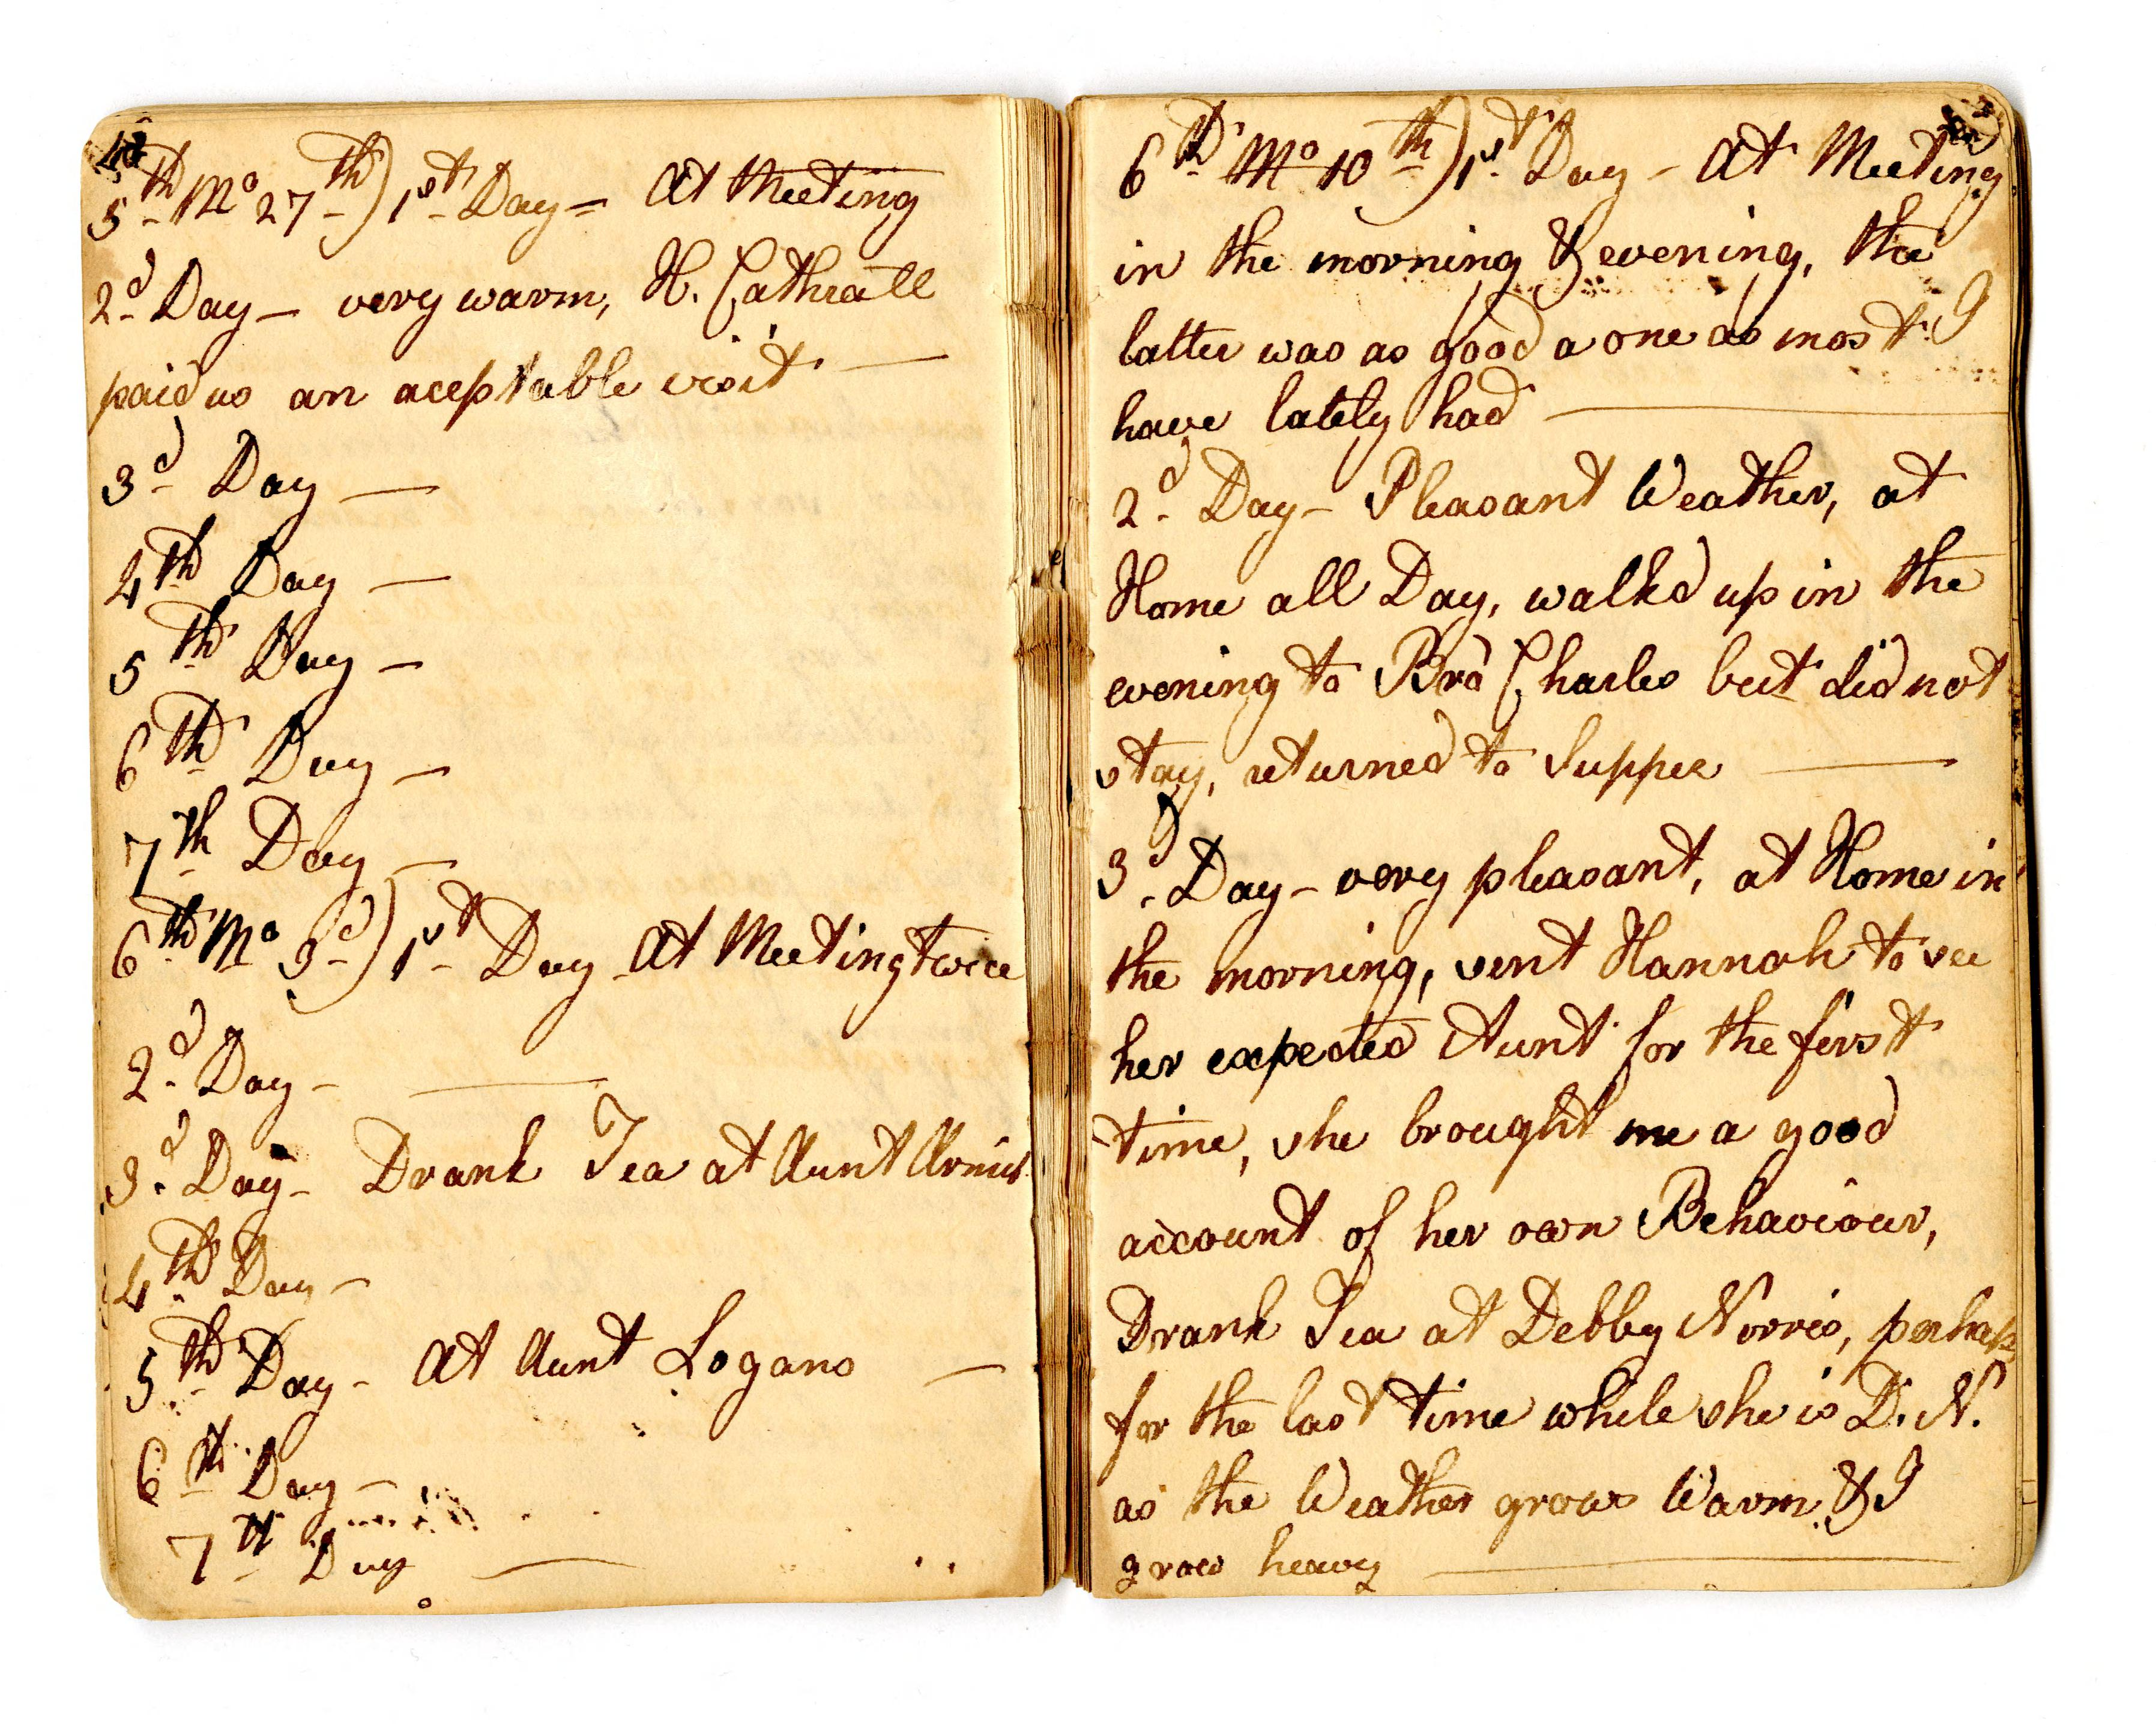5^th M^o 27^th) 1^st Day- At Meeting
2^d- Day- very warm, H. Cathrall
paid us an aceptable visit
3^d- Day-
4^th Day-
5^th Day-
6^th Day-
7^th Day-
6^th M^0 3^d) 1^st Day- At Meeting twice
2^d Day-
3^d Day- Drank Tea at Aunt Armit
4^th Day-
5^th Day- At Aunt Logans
6^th Day
7^th Day
6^th M^o 10^th) 1^st Day- At Meeting
in the morning & evening, the
latter was as good a one as most I
have lately had
2^d. Day- Pleasant Weather, at
Home all Day, walkd up in the
evening to Bro' Charles but did not
stay, returned to Supper
3^d. Day- very pleasant, at Home in
the morning, sent Hannah to see
her expected Aunt for the first
time, she brought me a good
account of her own Behaviour,
Drank Tea at Debby Norris, perhaps
for the last time while she is D.N.
as the Weathr grows Warm & I
grow heavy